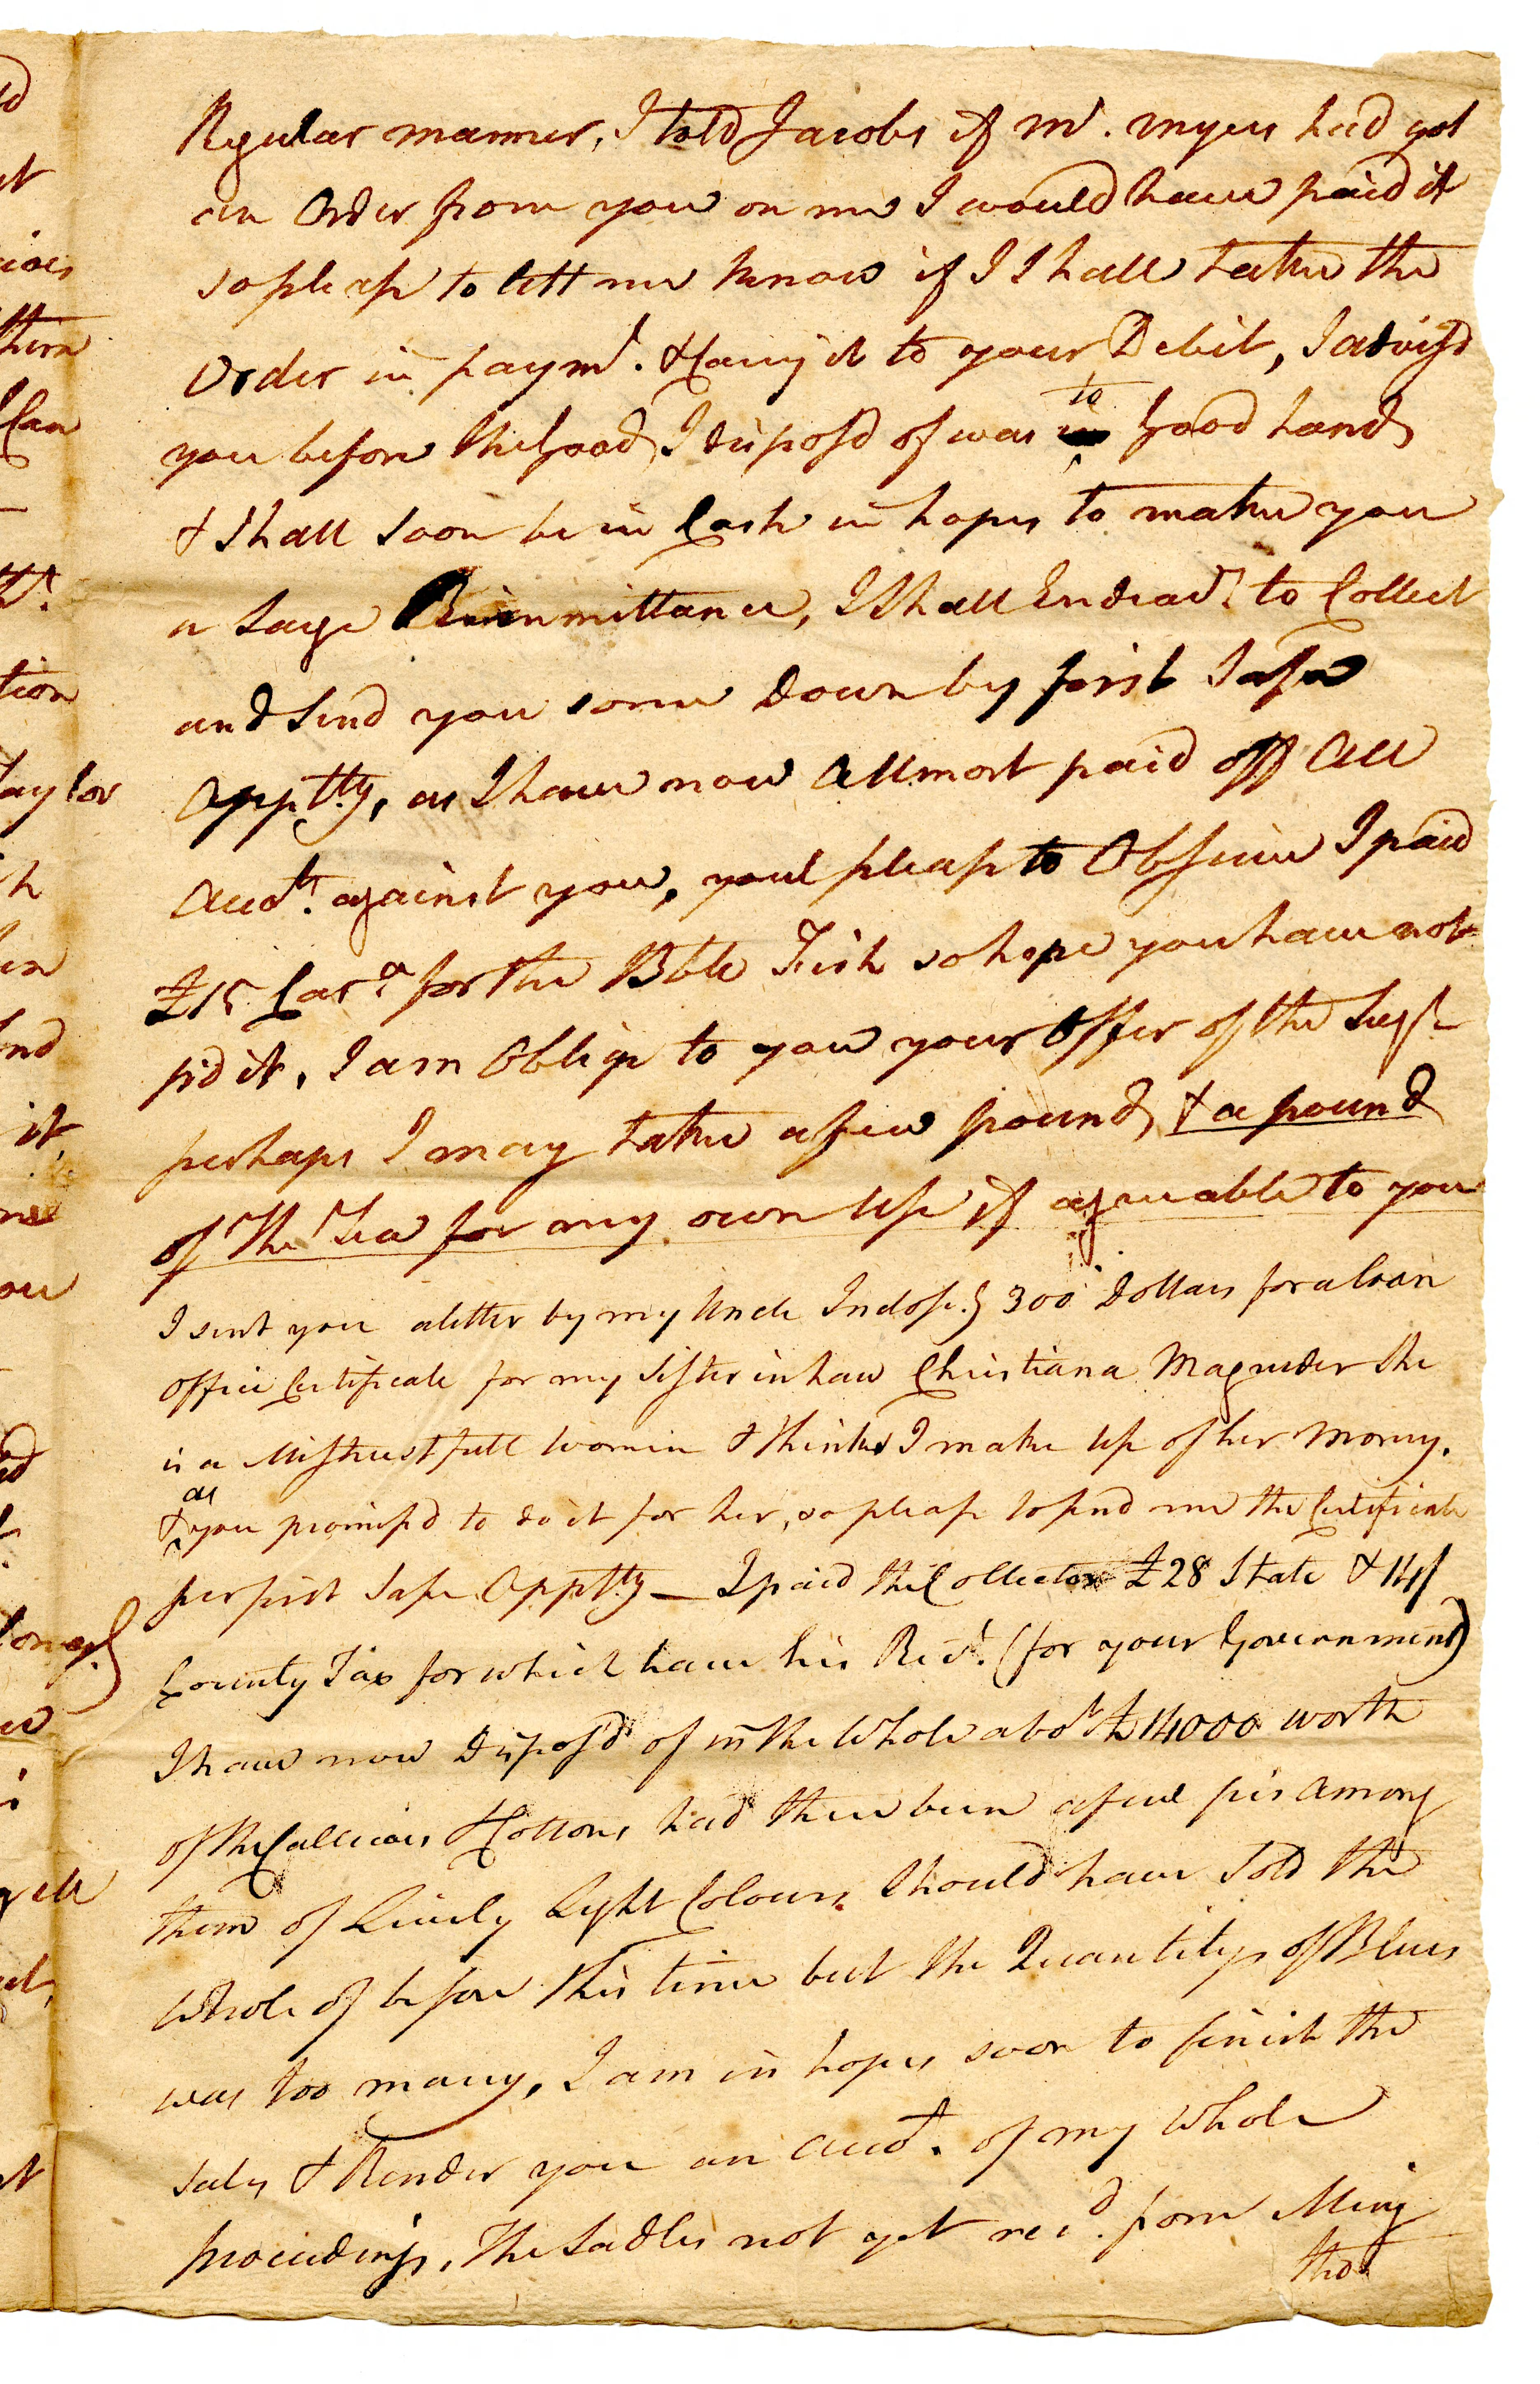Regular manner I told Jacobs if M^r. Myers had got
any order from you on me I would have paid it
so please to lett me know if I shall take the
Order in paym^t. & carry it to your Debit, I advisd
to
you before the good, I suposd of was ^ [_] good hands
& shall soon be in cash in hopes to make you
in Large Reinmittance, I shall Endeav^r. to Collect
and send you some Down by first safe
opp^tty., as I have now Allmost paid off all
Acco^ts. against you, you please to Observe I paid
£15. Car^a. for the Bble Fish so hope you have not
p'd it, I am Oblige to you your Offer of the sug^r.
perhaps I may take a few pound, & a pound
of the tea for my own up if agreeable to you
I sent you a letter by my Uncle Inclos^g. 300 Dollars for a loan
office certificate for my Sister in law Christiana Maguider she
is a Mistrustfull womin & thinks I make up of her money.
as
& ^ you promisd to do it for her, so please to send me the Certificate
per first safe Oppt^ty.- I paid the Collector £28 State & 14s
County Tax for which have his Rec^t. for your Government)
I have now disposd of in the Whole abo^t £14000 worth
of the callicoes & Cottons had these been a few pis amory
them of lively Light Colour should have sold the
Whole of before this time but the quantity of Blues
was too many, I am in hopes soon to finish the
sales & Render you an acco^t. of my whole
proceeding. The sadles not yet rec^ from many
tho